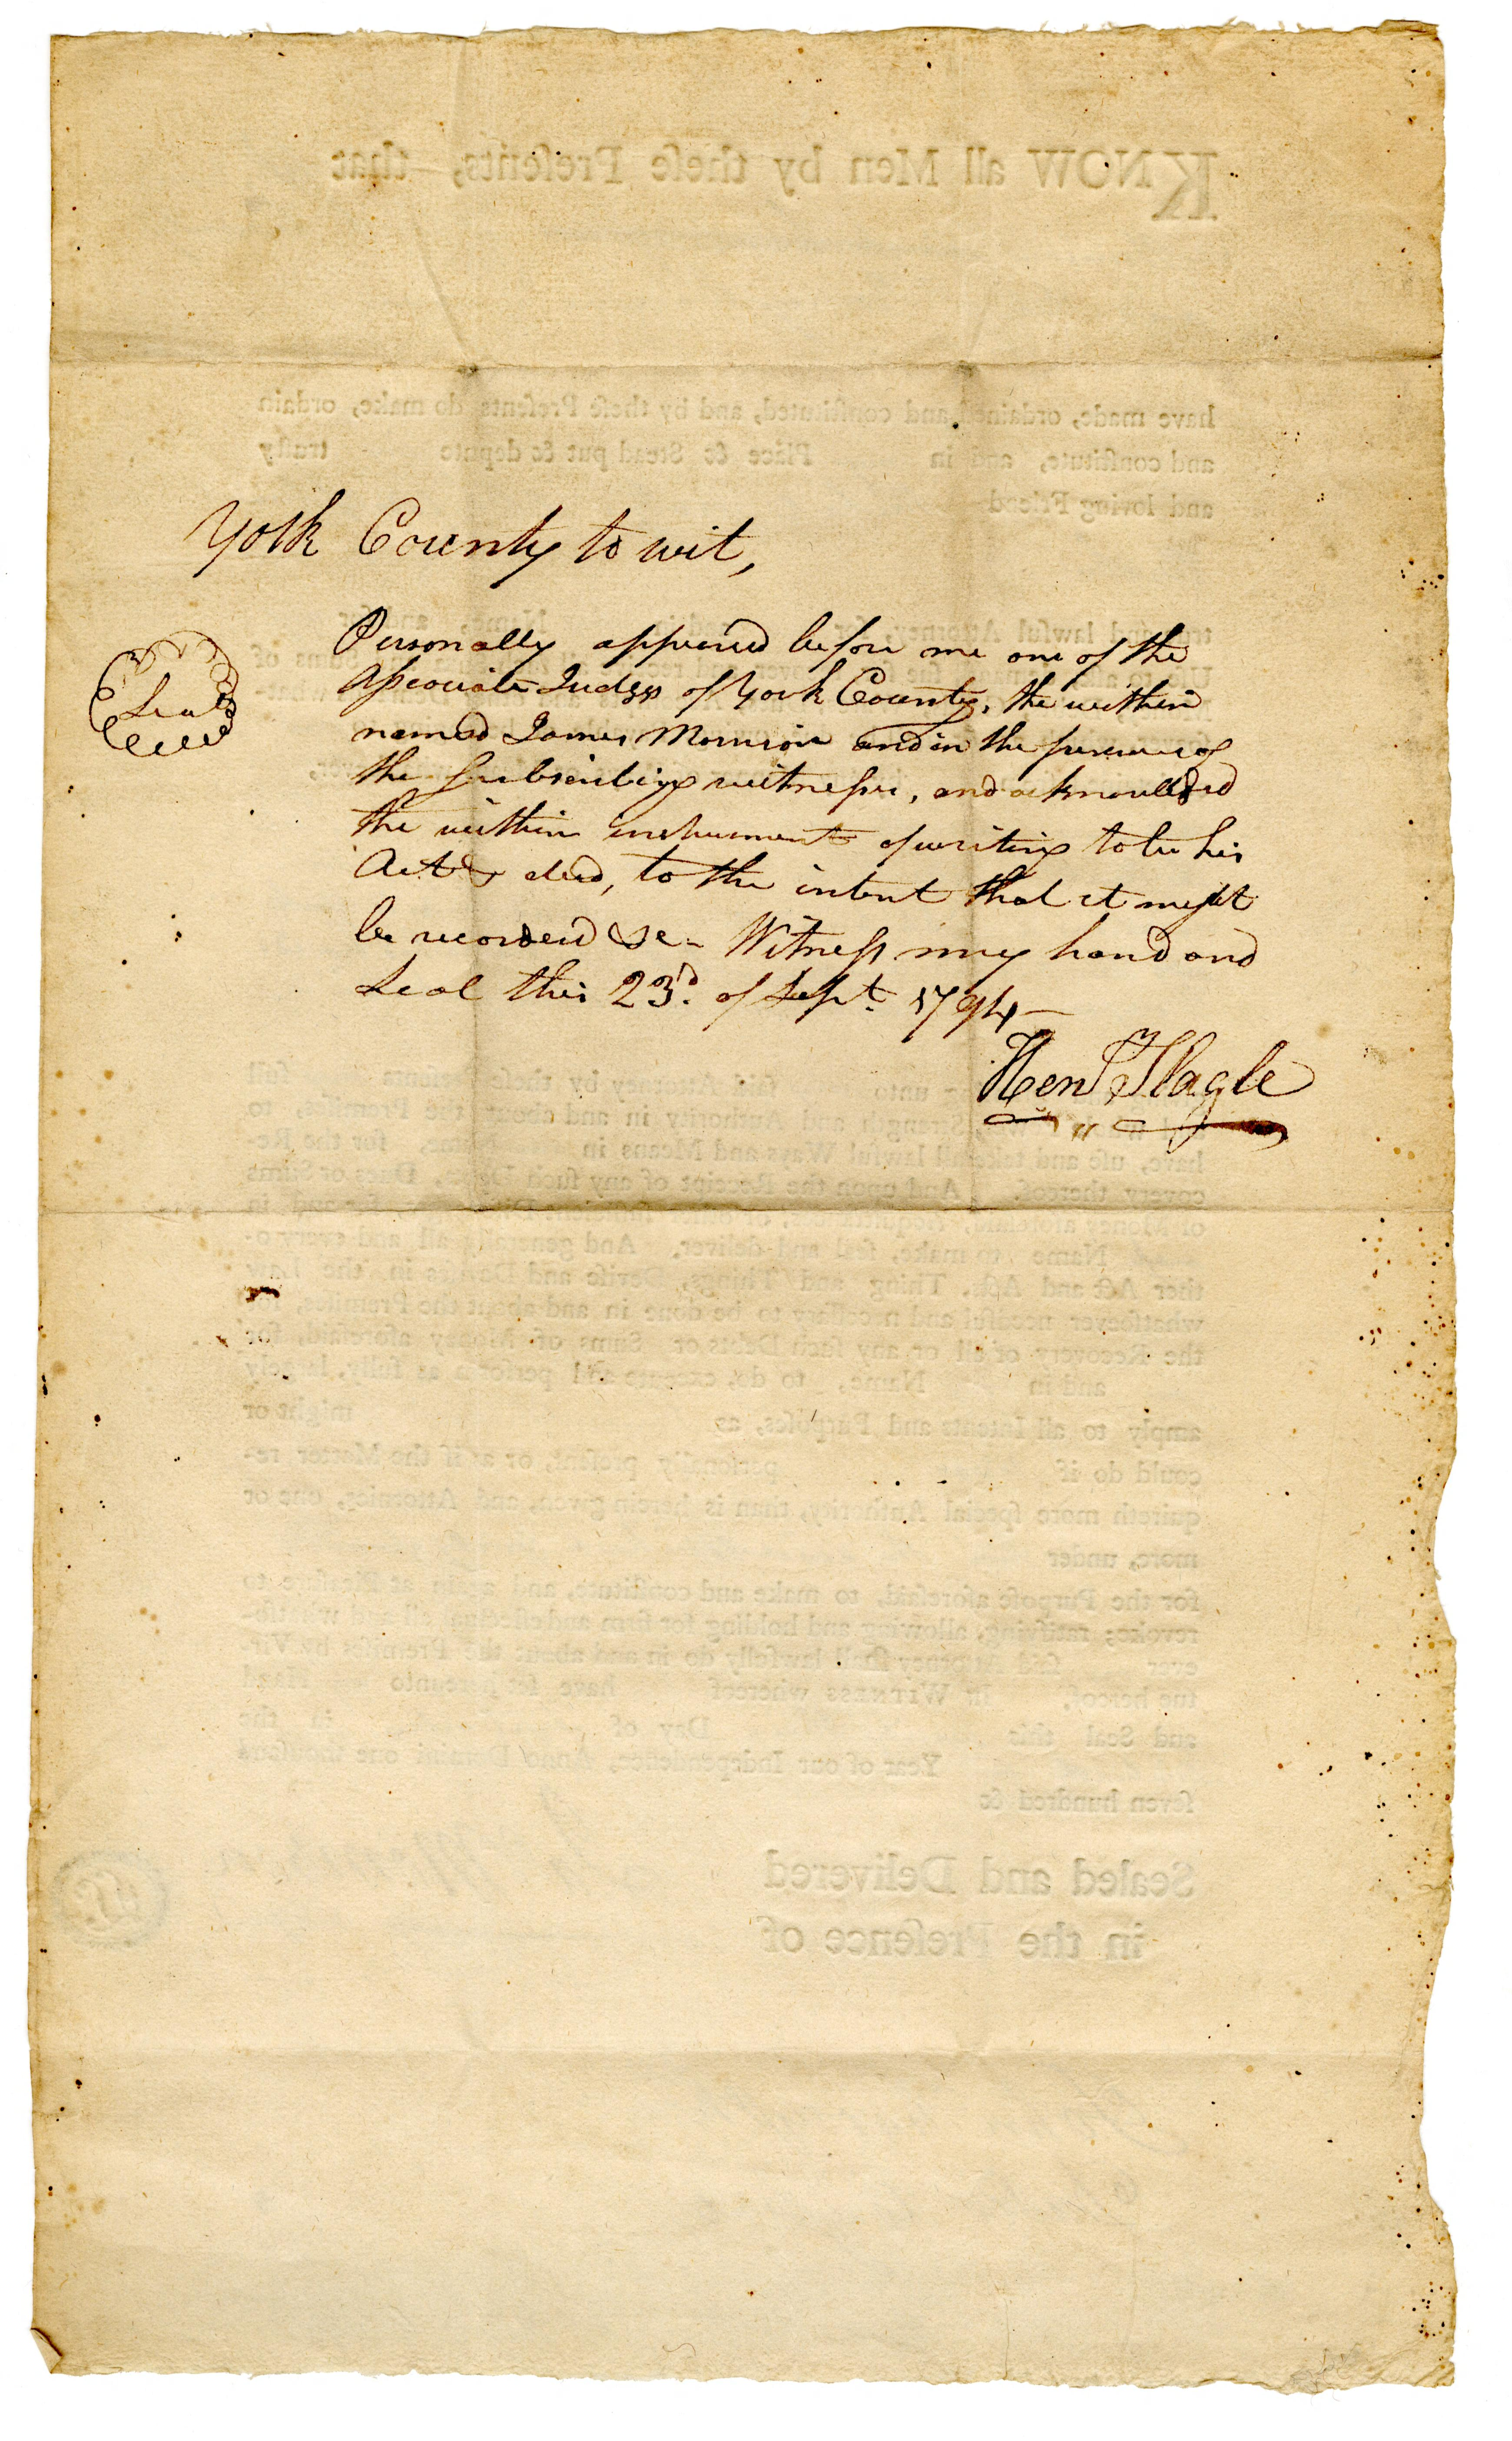Yolk County to wit,
Personally appeared before me one of the
asseociate Judges of York County, the within
named James Morrison and in the presence of
the subscribing witnesses, and acknowledged
the within instruments of writing to be his
Act & deed, to the intent that it might
be recorded &c. Witness my hand and
Seal this 23^d. of Sept 1794
Hen^y l Slagle